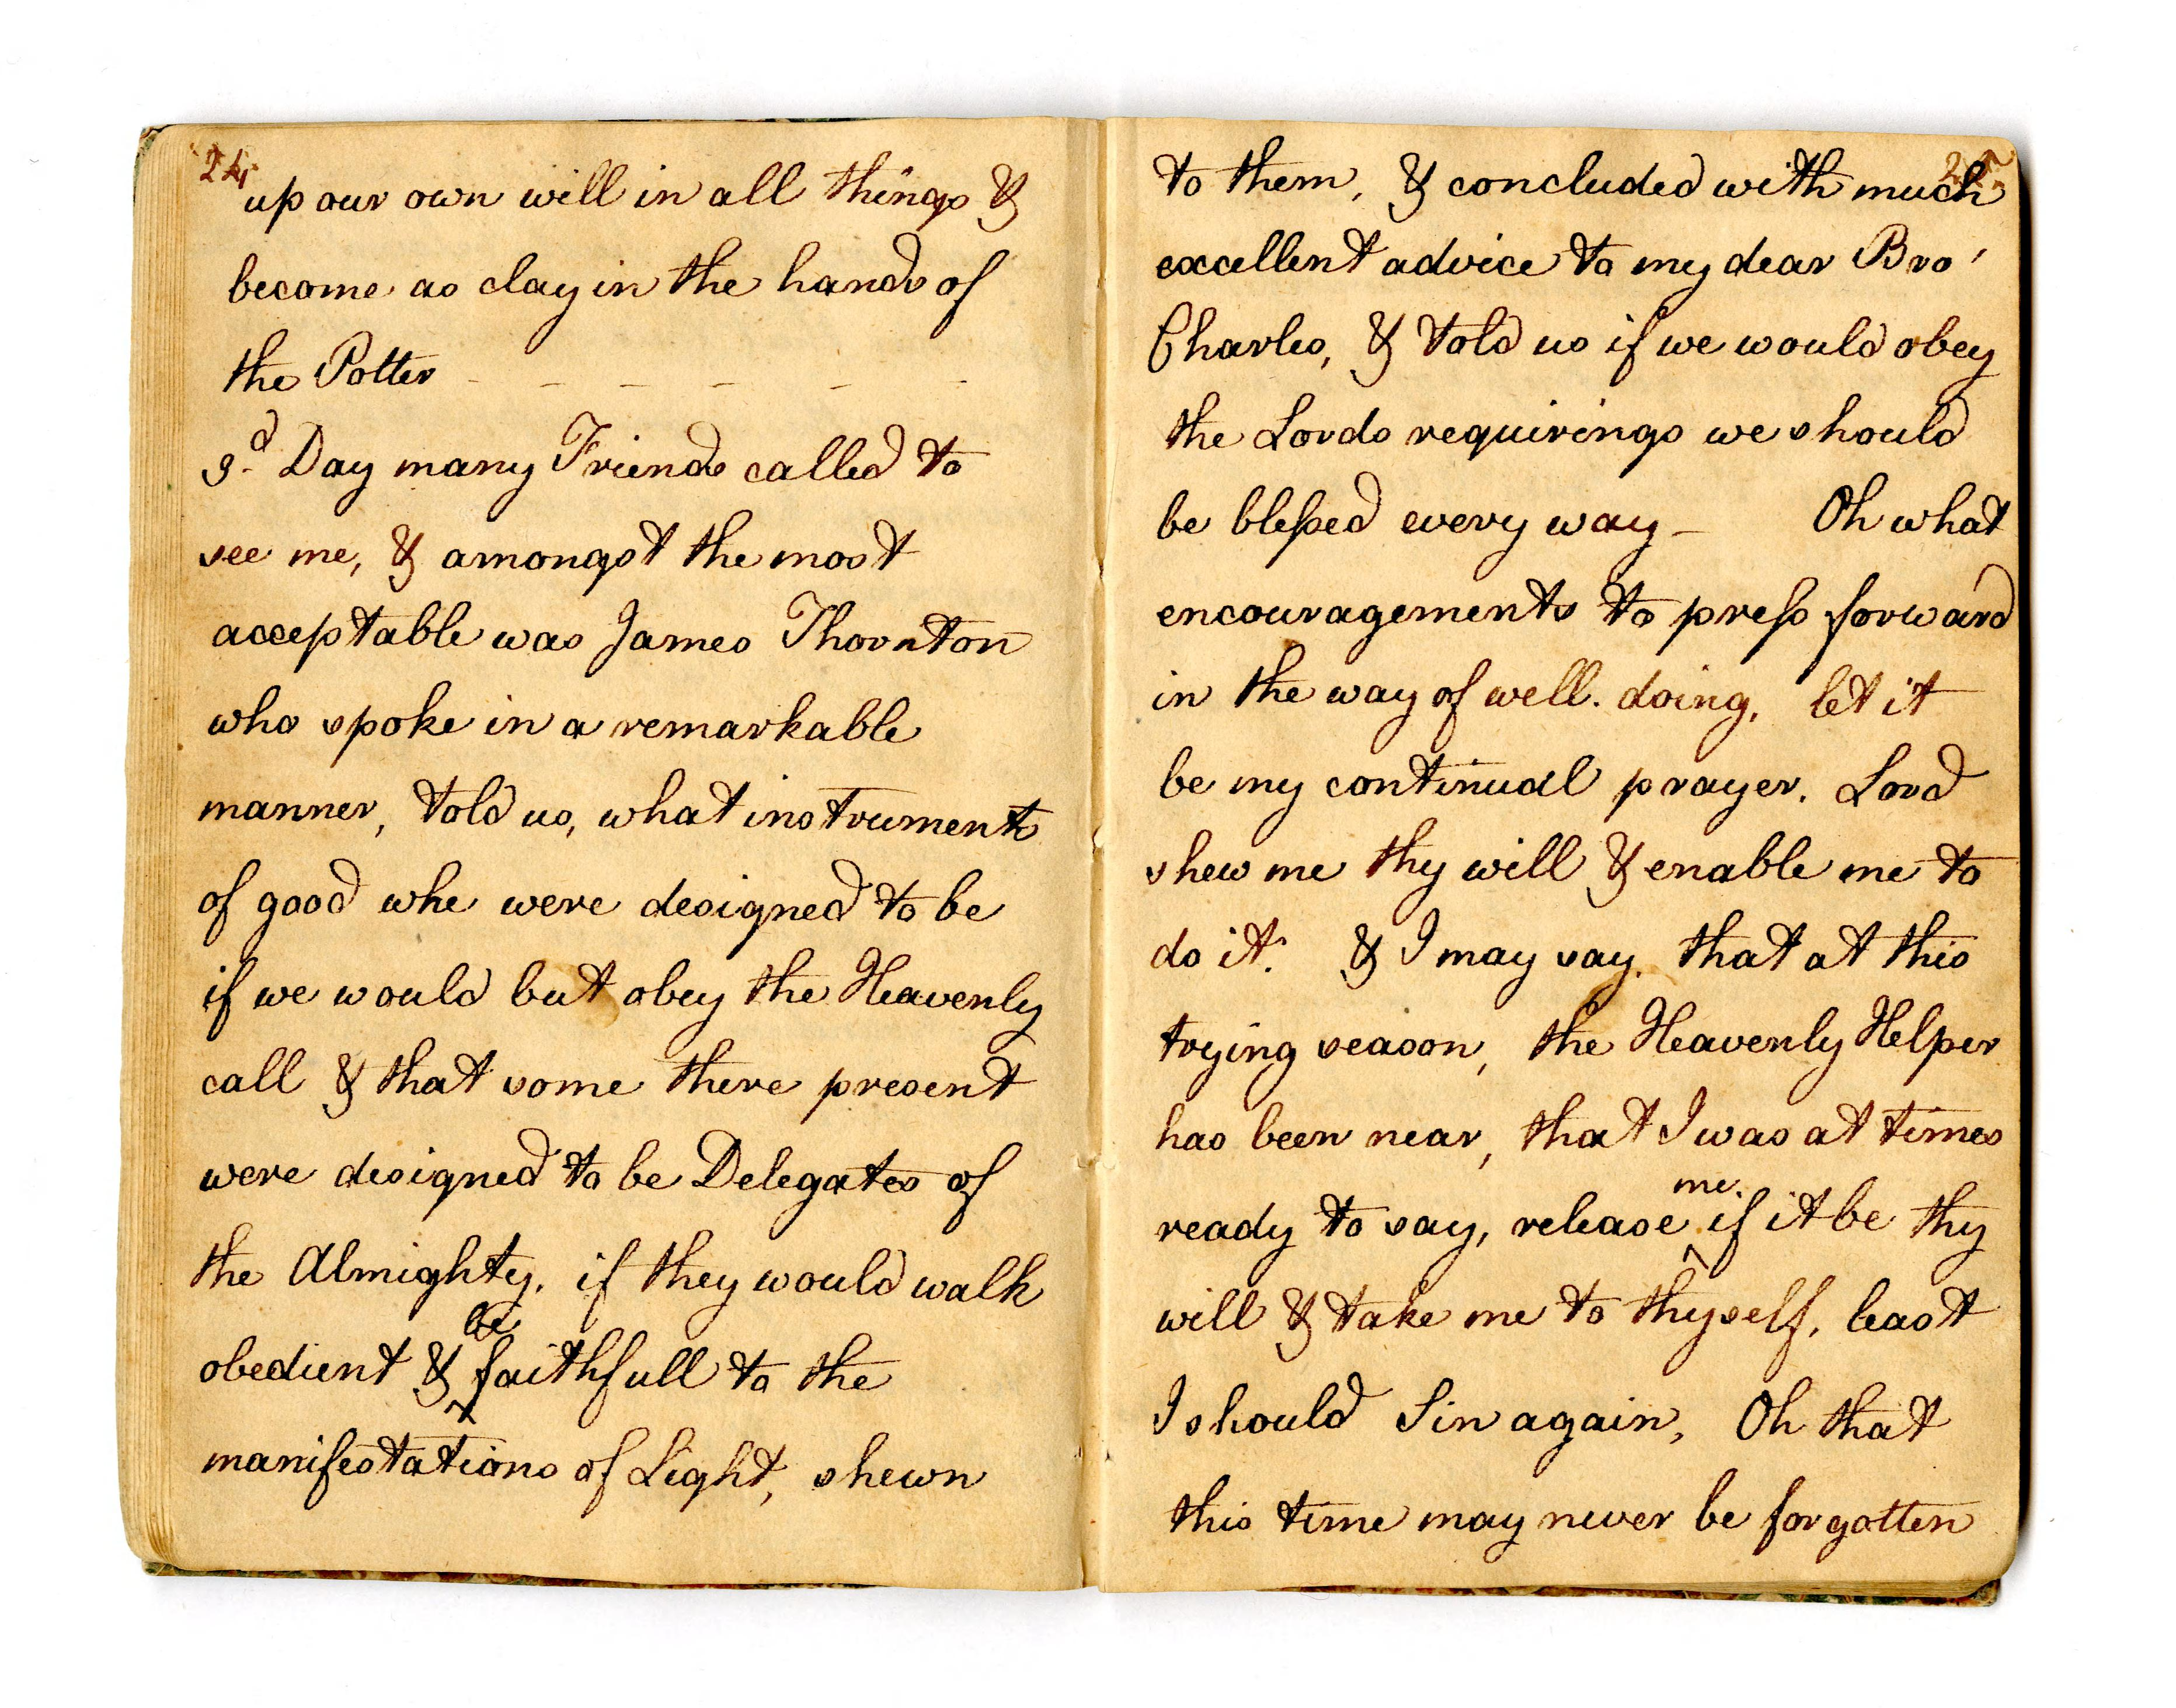up our own will in all things &
become as clay in the hands of
the Potter-
3^d Day many Friends called to
see me, & amongst the most
acceptable was James Thornton
who spoke in a remarkable
manner, told us, what instruments
of good whe were designed to be
if we would but obey the Heavenly
call & that some there present
were designed to be Delegates of
the Almighty. if they would walk
be
obedient & ^ faithfull to the
manifestations of Light, shewn
to them, & concluded with much
excellent advice to my dear Bro'
Charles, & told us it we would obey
the Lords requirings we should
be blessed every way- Oh what
encouragements to press forward
int the way of well. doing, let it
be my continual prayer. Lord
shew me thy will & enable me to
do it. & I may say, that at this
trying season, the Heavenly Helper
has been near, that I was at times
me
ready to say, release ^ if it be thy
will & take me thyself, least
I should Sin again, Oh that
this time may never be forgotten